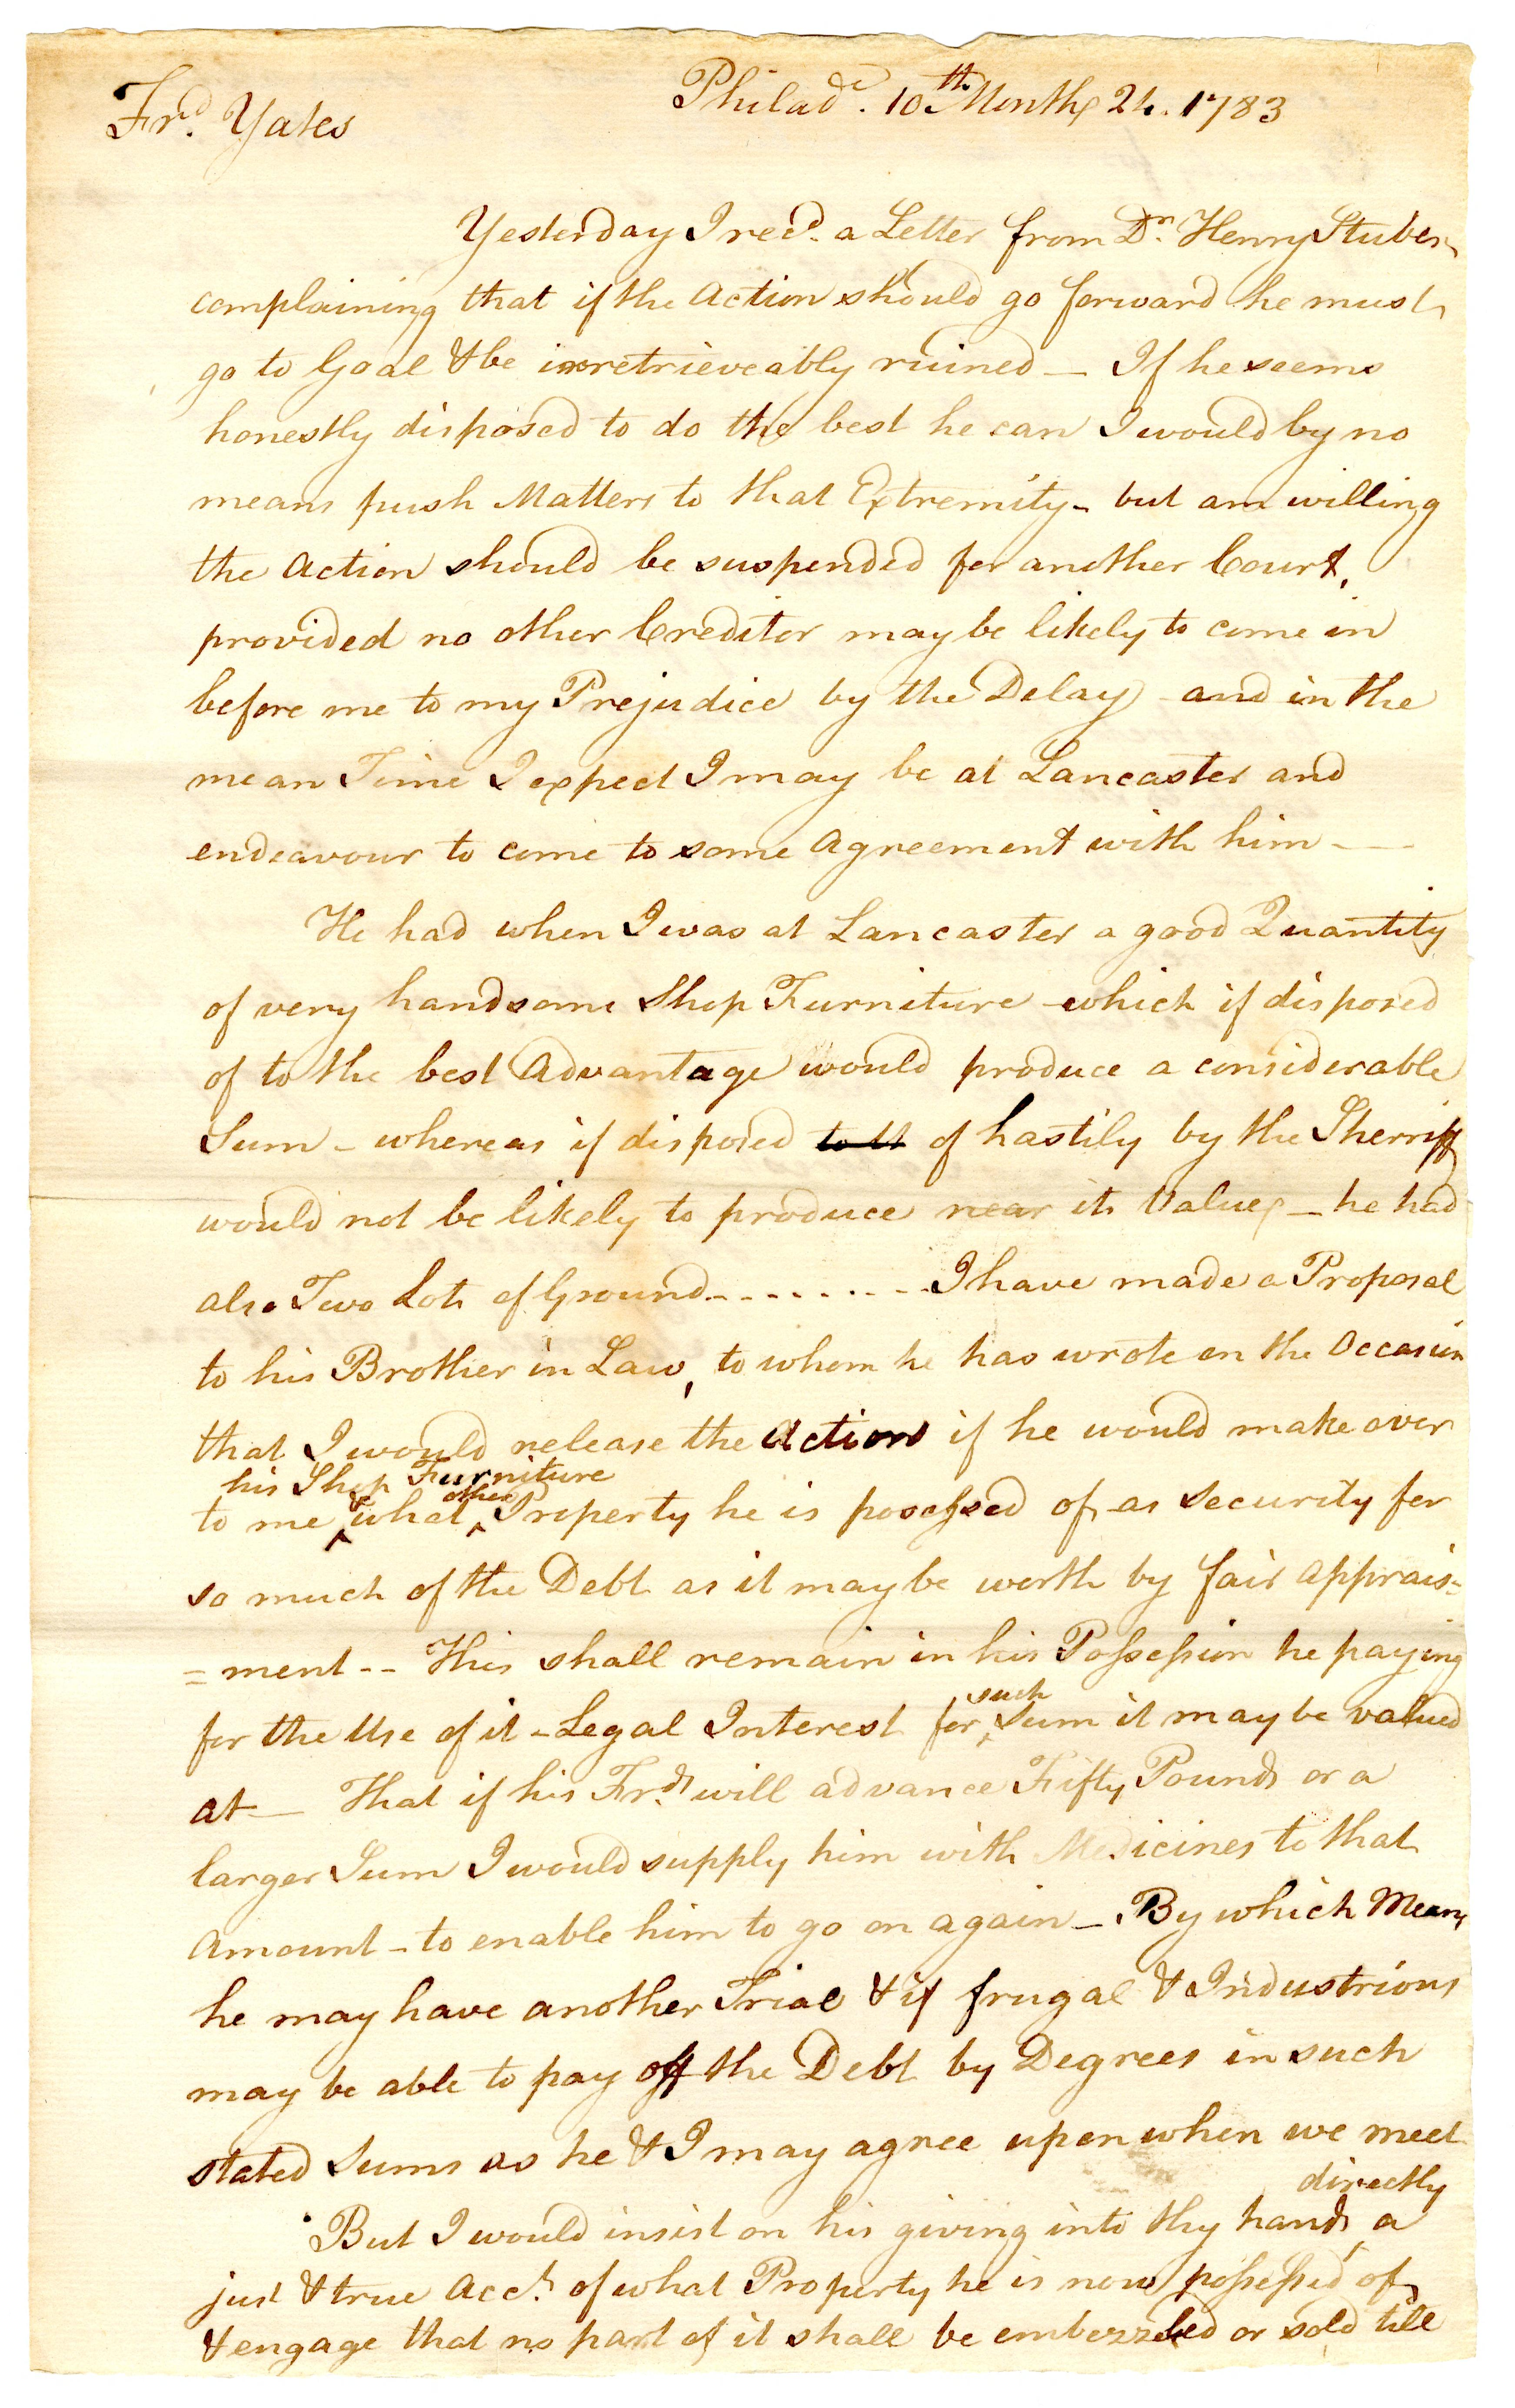Philad^a. 10^th: Month 24. 1783
Fr^d. Yates
Yesterday I rec^d. a Letter from D^r. Henry Stuber
complaining that if the Action should go forward he must
go to Goal & be irretrieveably ruined. If he seems
honestly disposed to do the best he can I would by no
means push Matters to that Extremity, but am willing,
the Action should be suspended for another Court.
provided no other Creditor may be likely to come in
before me to my Prejudice by the Delay and in the
mean Time I expect I may be at Lancaster and
endeavour to come to some Agreement with him
He had when I was at Lancaster a good Quantity
of very handsome Shop Furniture, which if disposed
of to the best Advantage would produce a considerable
Sum, whereas if disposed to it of hastily by the Sherriff
would not be likely to produce near its Value. he had
also Two Lots of Ground....
I have made a Proposal
to his Brother in Law, to whom he has wrote on the Occasion
that I would release the Actions if he would make over
his Shop
to me ^ what ^ Property he is posessed of as security for
Furniture
&
other
so much of the Debt as it may be worth by fair apprais-
-ment.. This shall remain in his Possession he paying
such
for the Use of it, Legal Interest for ^ sum it may be valued
at. That if his Fr^d. will advance Fifty Pounds or a
larger Sum I would supply him with Medicines to that
Amount, to enable him to go on again. By which Means
he may have another Trial & if frugal & Industrious
may be able to pay off the Debt by Degrees in such
stated sums as he & I may agree upon when we meet
directly
But I would insist on his giving into thy hands ^ a
just & true Acc^t. of what Property he is now possessed of
& engage that no part of it shall be emberreled or sold till